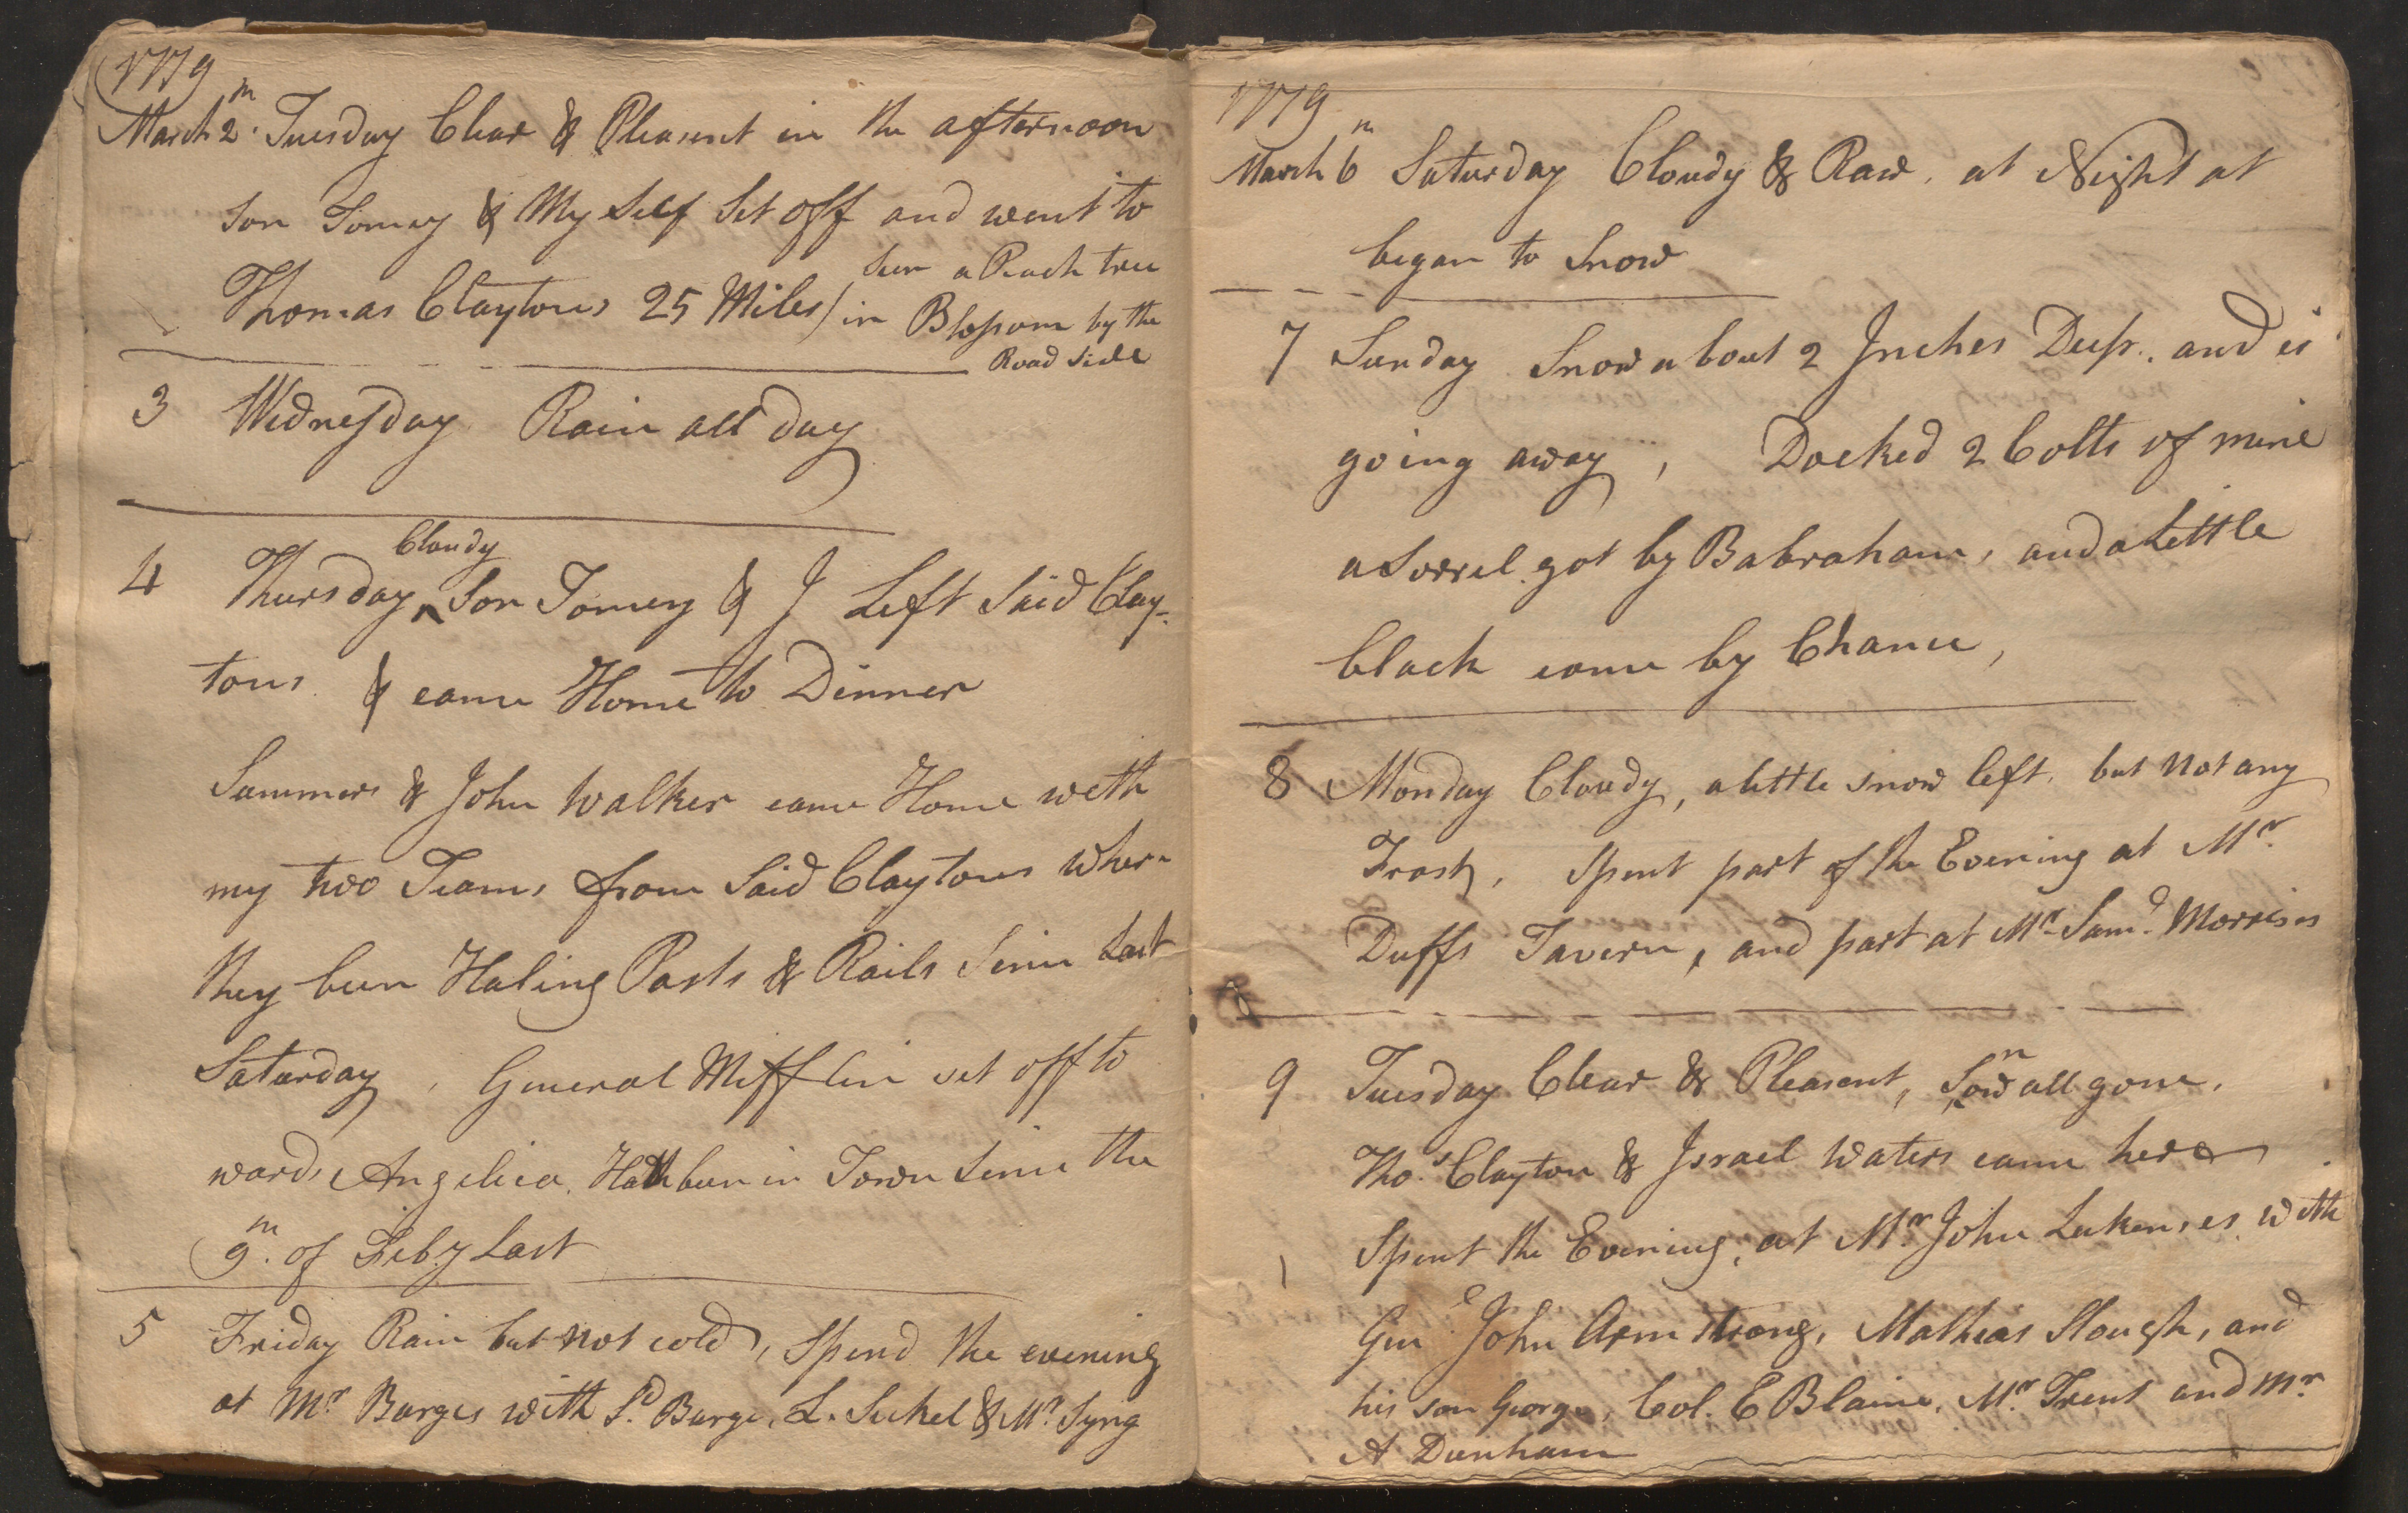1779
March 2^n. Tuesdey Clear & Pleasent in the afternoon
Son Tomey & My Self Set off and went to
Thomas Claytons 25 Miles
Seen a Peach tree
in Blossom by the
Road Side
3 Wednesday Rain all day
Cloudy
4 Thursday ^ Son Tomey & I Left Said Clay-
tons & came Home to Dinner
Summers & John Walker came Home with
my two Teams from Said Claytons wher
they been Haling Posts & Rails since Last
Saturday. General Mifflin set off to
wards Angelica Hathbun in Town since the
9^th. of Feb^y. Last
5 Friday Rain but not cold, spend the evening
at M^r. Barges with P. Barge. L. Seckel & M^r. Syng
1779
March 6^th Saturday Cloudy & Raw, at Night it
began to snow
7 Sunday Snow about 2 Inches Deep and is
going away, Docked 2 Colts of mine
a Sorrel got by Babraham, and a Little
black come by Chance
8 Monday Cloudy, a little snow left but not any
Frost. Spent part of the Evening at M^r.
Duffs Tavern, and part at M^r. Sam^l. Morrrises
9 Tuesday Clear & Pleasent, S^now all gone,
Tho^s. Clayton & Israel Waters came here
Issent the Evening at M^r. John Lukenses with
Gen^l. John Armstong, Mathias Slough, and
his sor George, Col. E Blaine, M^r. Trent and M^r.
A Dunham